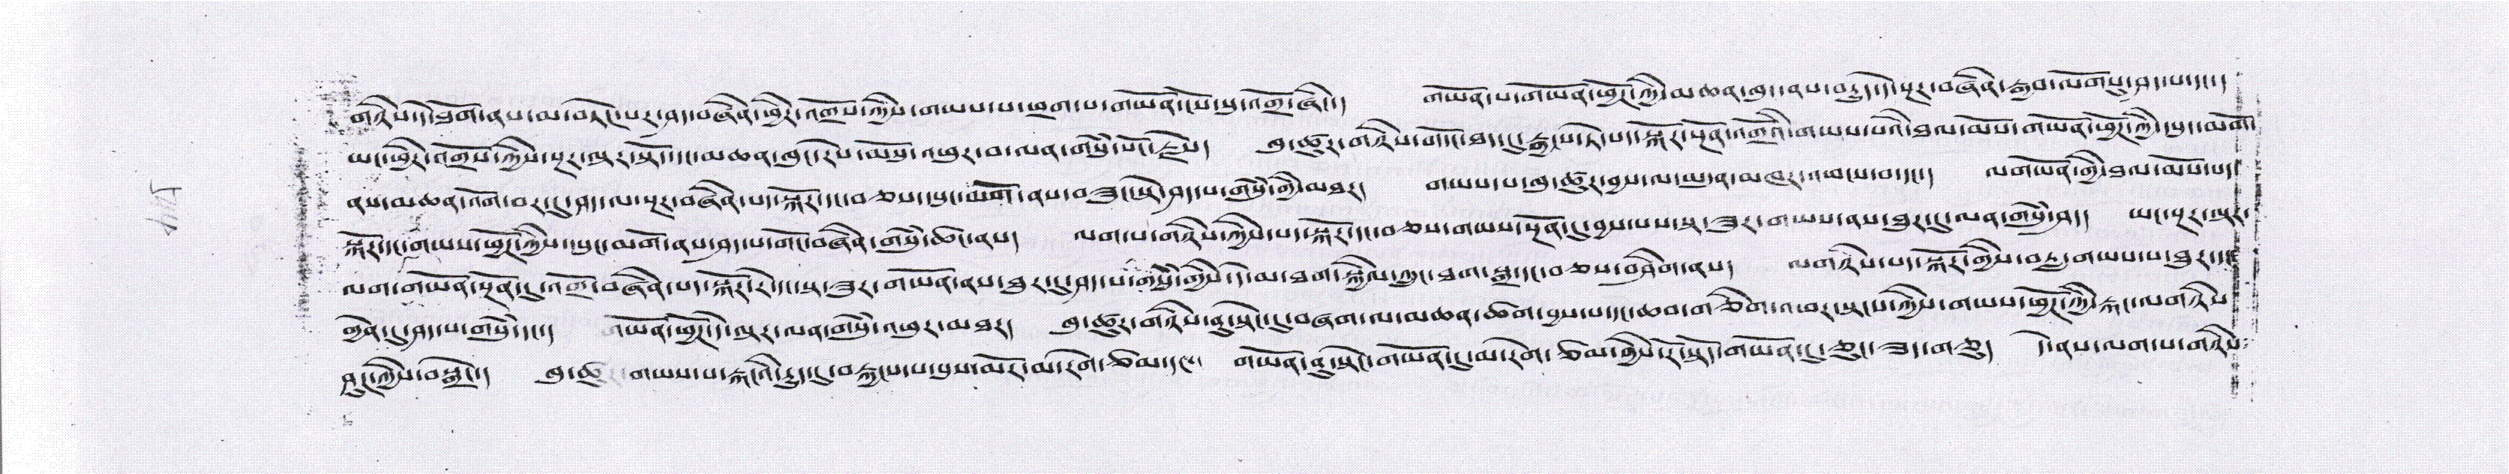གཉིས་དེ་ཐོག་ནས་མ་བཏེགས་པར་ཤད་བཞིན་ཕྱིར་འགྲོས་ཀྱིས་གཡས་པ་གཡས་པ་འཕྲག་པ་གཡན་ངོས་སུ་འགྲོ་ཞིང་། གཡོན་པ་གཡོན་ཕྱོགས་ཀྱི་མཆན་ཁུང་ནས་བརྒྱུད་དེ་སྔར་བཞིན་རྒྱབ་ལོགས་སུ་ཤད་པ་དང་། 
ཡང་ཕྱིར་འགྲོས་ཀྱིས་སྔར་ལྟར་སྟོད་དང་མཆན་ཁུང་རེས་མོས་སུ་འཕུར་བ་ལན་གསུམ་སོང་རྗེས། ཁུ་ཚུར་གཉིས་གདོང་ཐད་དུ་རྒྱངས་ཏེ་པད་སྐོར་སྔོན་འགྲོའི་གཡས་པའི་ཐལ་མོས་གཡོན་ཕྱོགས་ཀྱི་དཔུང་མགོ་
ནས་མཆན་འོག་བར་དུ་ཤད་ལ་སྔར་བཞིན་པད་སྐོར་དང་བཅས་དཔུང་མགོ་ནས་བཟུང་སྟེ་ཤད་པ་གསུམ་གྱི་མཐར། གཡས་པ་ཁུ་ཚུར་བྱས་ལ་མདུན་མཁར་འཕངས་པ་དང་། ལག་གཡོན་གྱི་ཐལ་མོས་པད་
སྐོར་དང་གཡས་ཕྱོགས་ཀྱིས་དཔུང་མགོ་ནས་ཤད་པ་གོང་བཞིན་གསུམ་ཚང་ནས། ལག་པ་གཉིས་ཀྱིས་པད་སྐོར་དང་བཅས་གཡས་སྔོན་དུ་བྱས་པས་སྟ་ཟུར་གཡས་ནས་ཐུར་དུ་ལན་གསུམ་ཤད། ཡང་སྔར་ལྟར་
ལག་གཡོན་སྔོན་དུ་འགྲོ་བཞིན་པད་སྐོར་རེ་དང་སྟ་ཟུར་གཡོན་ནས་ཟུར་དུ་ཤད་པ་གསུམ་གྱིས་དེ་མ་ཐག་སྐྱིལ་ཀྲུང་ཐག་སྒྲ་དང་བཅས་བཤིག་ནས་ལག་གཉིས་པད་སྐོར་གྱིས་བརླ་གཡས་པ་ཐུར་དང་
གྱེན་དུ་ཤད་པ་གསུམ་དང་། གཡོན་ཕྱོགས་དེ་ལྟར་ལན་གསུམ་འཕུར་མཐར། ཁུ་ཚུར་གཉིས་ནུ་སྟེང་དུ་བཞག་ལ་མཆན་ཚག་བྱས་པ་དང་ཆབས་ཅིག་འཕར་སྟངས་ཀྱིས་གཡོན་ཕྱོགས་ཀྱི་རྐང་ལག་གཉིས་
ཤུགས་ཀྱིས་བསྒྲེང་། ཁུ་ཚུར་གཡས་པ་རྐང་པའི་རྒྱུད་དུ་བརྐྱངས་པ་པུས་མོར་མ་རེག་ཙམ་དང་། གཡོན་ནུ་སྟེང་གཡོན་དུ་མ་རེག་ཙམ་གྱིས་རོ་སྟོད་གཡོན་དུ་ཅུང་ཟད་གཅུ། དེ་ནས་ལག་པ་གཉིས་